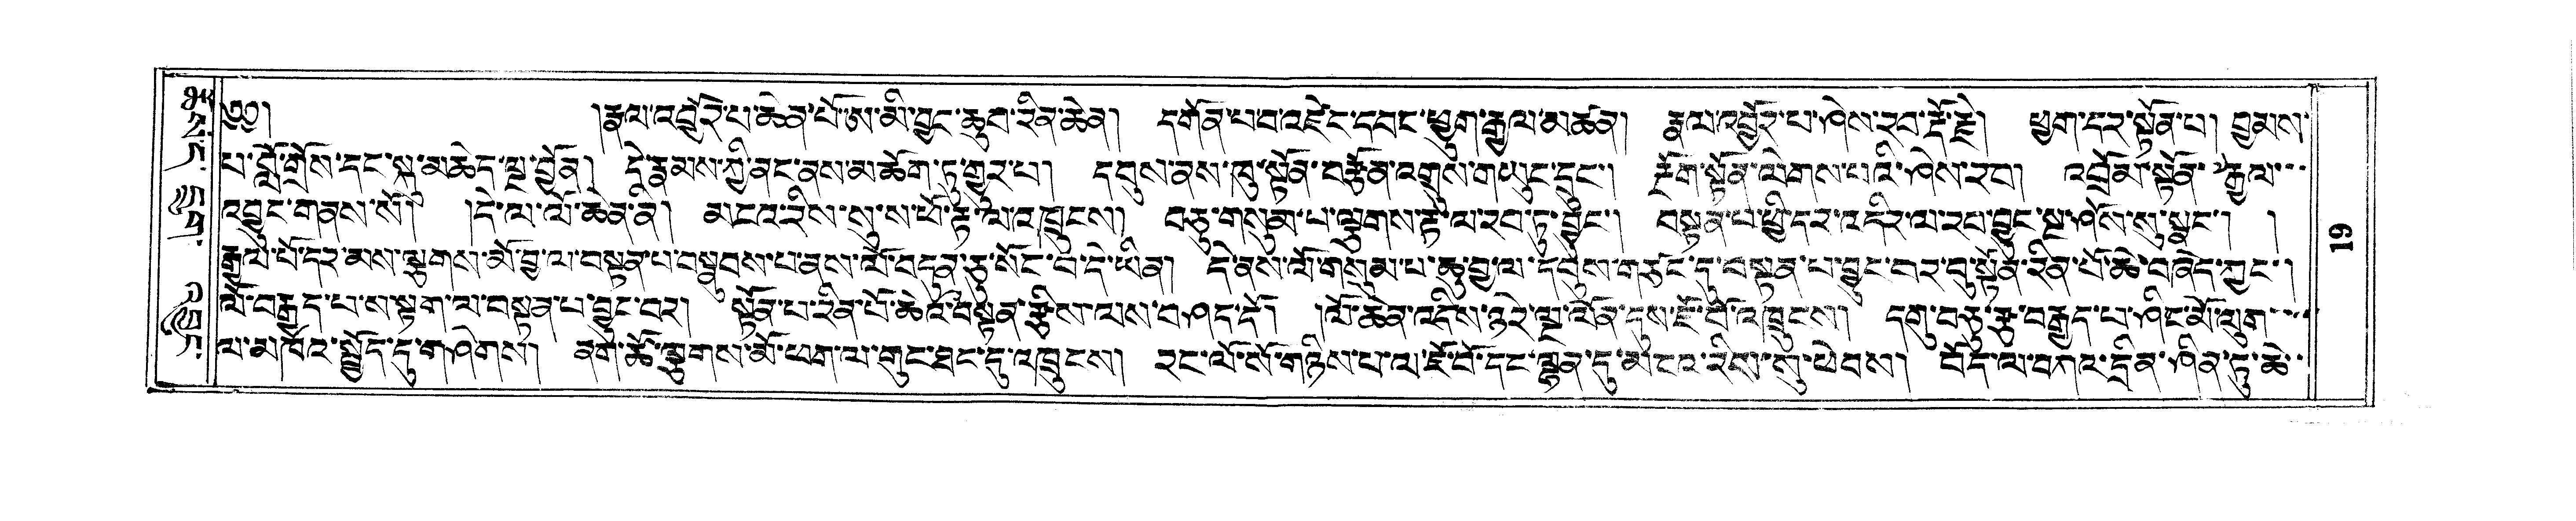༄༅། །རྣལ་འབྱོར་པ་ཆེན་པོ་ཨ་མི་བྱང་ཆུབ་རིན་ཆེན། དགོན་པ་བ་འཛེང་དབང་ཕྱུག་རྒྱལ་མཚན། རྣལ་འབྱོར་པ་ཤེས་རབ་རྡོ་རྗེ། ཕྱག་དར་སྟོན་པ། བྱམས་
པ་བློ་གྲོས་དང་སྐུ་མཆེད་ལྔ་བྱོན། དེ་རྣམས་ཀྱི་ནང་ནས་མཆོག་ཏུ་གྱུར་པ། དབུས་ནས་ཁུ་སྟོན་བརྩོན་འགྲུས་གཡུང་དྲུང་། རྡོག་སྟོན་ལེགས་པའི་ཤེས་རབ། འབྲོམ་སྟོན་རྒྱལ་
འབྱུང་གནས་སོ། །དེ་ལ་ལོ་ཆེན་ནི། མངའ་རིས་སུ་ས་ཕོ་རྟ་ལ་འཁྲུངས། བཅུ་གསུམ་པ་ལྕགས་རྟ་ལ་རབ་ཏུ་བྱུང་། བསྟན་པ་ཕྱི་དར་འདིར་ལ་རབ་བྱུང་སྔ་ཤོས་སུ་སྣང་། །
རྒྱལ་པོ་དར་མས་ལྕགས་མོ་བྱ་ལ་བསྟན་པ་བསྣུབས་པ་ནས་ལོ་བདུན་ཅུ་སོང་བ་དེ་ཡིན། དེ་ནས་ལོ་གསུམ་པ་ཆུ་བྱ་ལ་དབུས་གཙང་དུ་བསྟན་པ་བྱུང་བར་བུ་སྟོན་རིན་པོ་ཆེ་བཞེད་ཀྱང་།
ལོ་བརྒྱད་པ་ས་སྟག་ལ་བསྟན་པ་བྱུང་བར། སྟོན་པ་རིན་པོ་ཆེའི་བསྟན་རྩིས་ལས་བཤད་དོ། །ལོ་ཆེན་འདིས་ཉེར་ལྔ་ལོན་དུས་ཇོ་བོ་འཁྲུངས། དགུ་བཅུ་རྩ་བརྒྱད་པ་ཤིང་མོ་ལུག་
ལ་མཁོའ་སྤྱོད་དུ་གཤེགས། ནག་ཚོ་ལྕགས་མོ་ཕག་ལ་གུང་ཐང་དུ་འཁྲུངས། རང་ལོ་སོ་གཉིས་པ་ལ་ཇོ་བོ་དང་ལྷན་དུ་མངའ་རིས་སུ་ཕེབས། བོད་ལ་བཀའ་དྲིན་ཤིན་ཏུ་ཆེ་